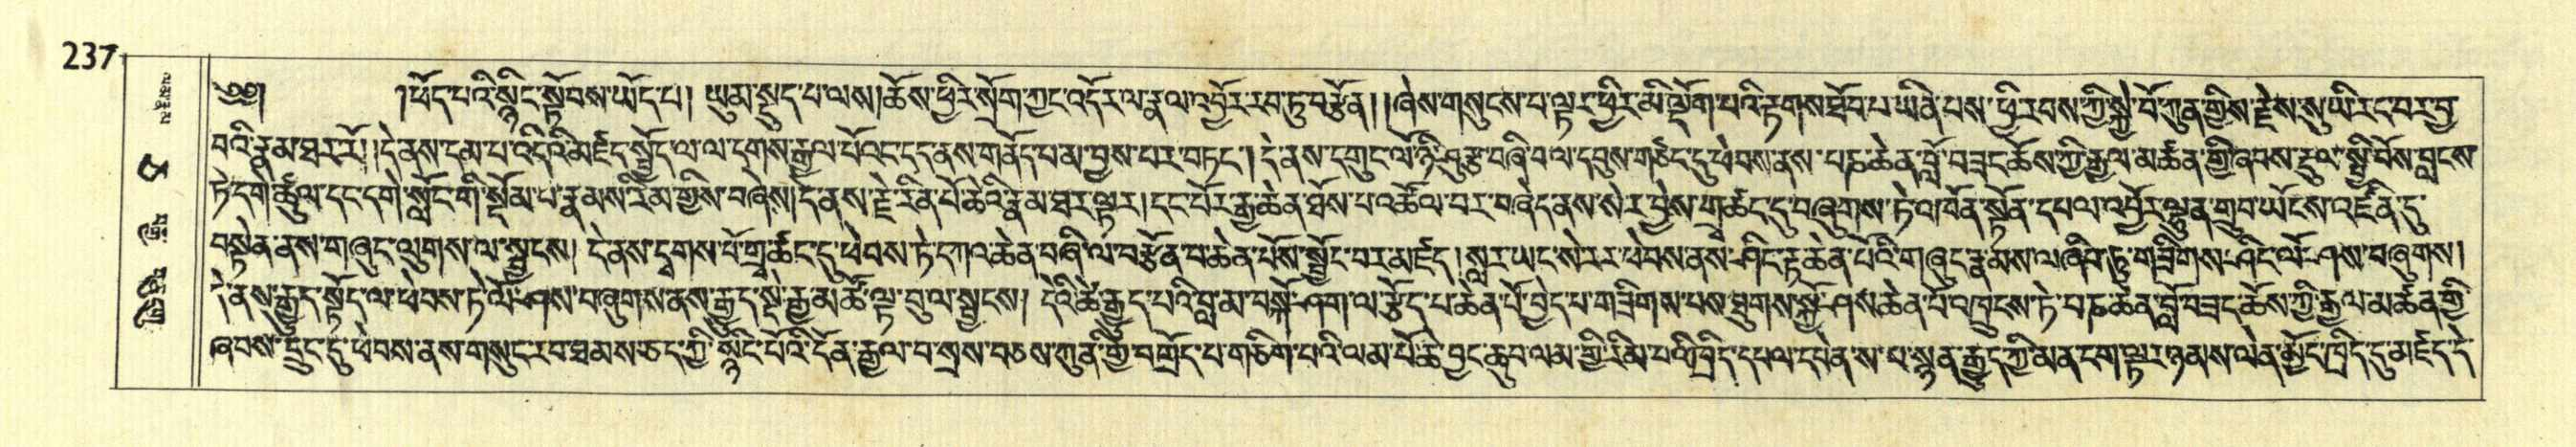༄༅། །ཕོད་པའི་སྙིང་སྟོབས་ཡོད་པ། ཡུམ་སྡུད་པ་ལས། ཆོས་ཕྱིར་སྲོག་ཀྱང་འདོར་ལ་རྣལ་འབྱོར་རབ་ཏུ་བརྩོན། །ཞེས་གསུངས་པ་ལྟར་ཕྱིར་མི་ལྡོག་པའི་རྟགས་ཐོབ་པ་ཡིན་པས་ཕྱི་རབས་ཀྱི་སྐྱེ་བོ་ཀུན་གྱིས་རྗེས་སུ་ཡི་རང་བར་བྱ་
བའི་རྣམ་ཐར་རོ། །དེ་ནས་དམ་པ་འདིའི་མཛད་སྤྱོད་ལ་ལ་དགས་རྒྱལ་པོའང་ངང་ནས་གནོད་པ་མ་བྱས་པར་བཏང་། དེ་ནས་དགུང་ལོ་ཉི་ཤུ་རྩ་བཞི་བ་ལ་དབུས་གཙང་དུ་ཕེབས་ནས་པཎ་ཆེན་བློ་བཟང་ཆོས་ཀྱི་རྒྱལ་མཚན་གྱི་ཞབས་རྡུལ་སྤྱི་བོས་བླངས་
ཏེ་དགེ་ཚུལ་དང་དགེ་སློང་གི་སྡོམ་པ་རྣམས་རིམ་གྱིས་བཞེས། དེ་ནས་རྗེ་རིན་པོ་ཆེའི་རྣམ་ཐར་ལྟར། དང་པོར་རྒྱ་ཆེན་ཐོས་པ་འཚོལ་བར་བཞེད་ནས་སེར་བྱེས་གྲྭ་ཚང་དུ་བཞུགས་ཏེ་འཁོན་སྟོན་དཔལ་འབྱོར་ལྷུན་གྲུབ་ཡོངས་འཛིན་དུ་
བསྟེན་ནས་གཞུང་ལུགས་ལ་སྦྱངས། དེ་ནས་དྭགས་པོ་གྲྭ་ཚང་དུ་ཕེབས་ཏེ་དཀའ་ཆེན་བཞི་ལ་བརྩོན་བ་ཆེན་པོས་སྦྱོང་བར་མཛད། སླར་ཡང་སེ་རར་ཕེབས་ནས་ཤིང་རྟ་ཆེན་པོའི་གཞུང་རྣམས་ལ་ཞིབ་ཏུ་གཟིགས་ཤིང་ལོ་ཤས་བཞུགས།
དེ་ནས་རྒྱུད་སྟོད་ལ་ཕེབས་ཏེ་ལ་ཤས་བཞུགས་ནས་རྒྱུད་སྡེ་རྒྱ་མཚོ་ལྟ་བུ་ལ་སྦྱངས། དེའི་ཚེ་རྒྱུད་པའི་བླ་མ་བསྐོ་ཤག་ལ་རྩོད་པ་ཆེན་པོ་བྱེད་པ་གཟིགས་པས་ཐུགས་སྐྱོ་ཤས་ཆེན་པོ་འཁྲུངས་ཏེ་པཎ་ཆེན་བློ་བཟང་ཆོས་ཀྱི་རྒྱལ་མཚན་གྱི་
ཞབས་དྲུང་དུ་ཕེབས་ནས་གསུང་རབ་ཐམས་ཅད་ཀྱི་སྙིང་པོའི་དོན་རྒྱལ་བ་སྲས་བཅས་ཀུན་གྱི་བགྲོད་པ་གཅིག་པའི་ལམ་པོ་ཆེ་བྱང་ཆུབ་ལམ་གྱི་རིམ་པའི་ཁྲིད་དཔལ་དཔེན་ས་བསྙན་རྒྱུད་ཀྱི་མན་ངག་ལྟར་ཉམས་ལེན་མྱོང་ཁྲིད་དུ་མཛད་དེ་